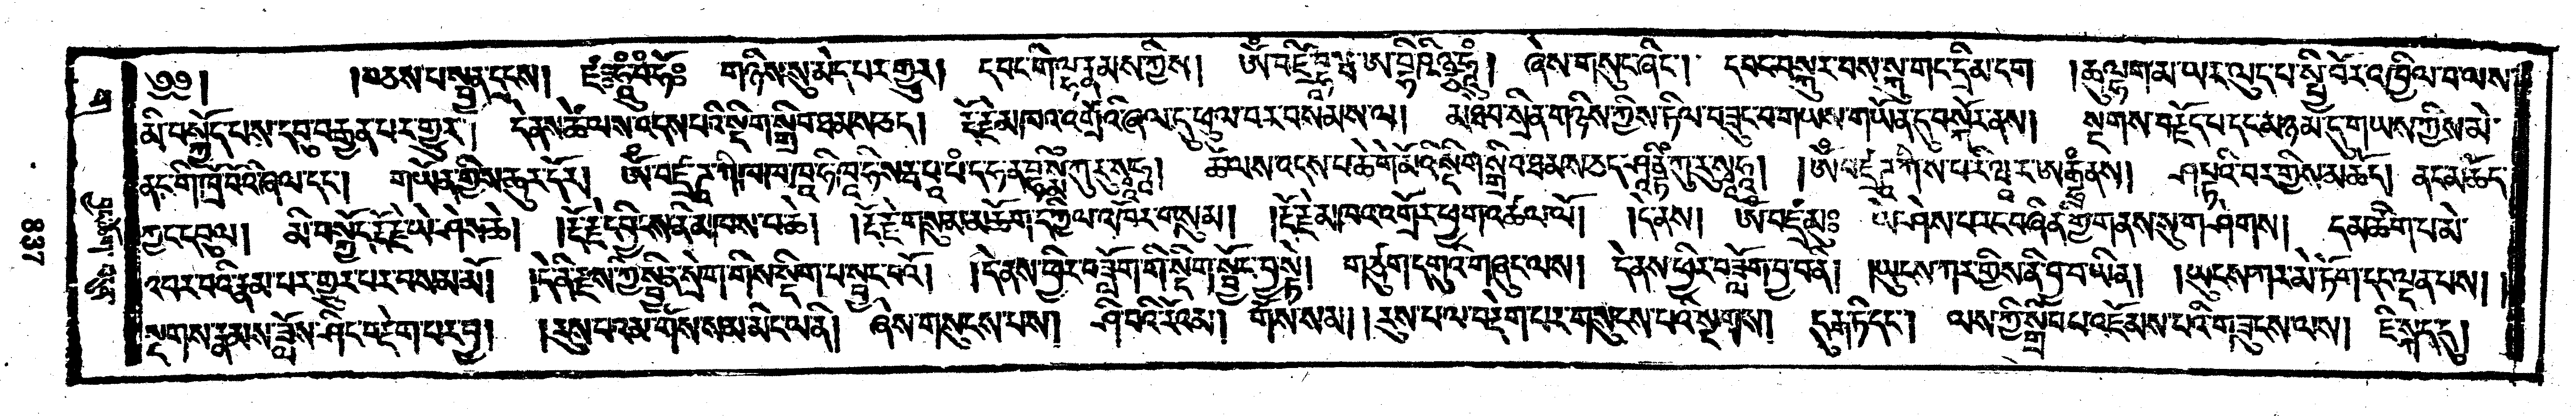༄༅། །བཅས་པ་སྦྱན་དྲངས། ཛཿཧཱུཾ་བཾ་ཧོཿགཉིས་སུ་མེད་པར་གྱུར། དབང་གི་ལྷ་རྣམས་ཀྱིས། ཨོཾ་བཛྲི་བྷ་ཝ་ཨ་བྷི་ཥི་ཉྩ་ཧཱུཾ། ཞེས་གསུང་ཞིང་། དབང་བསྐུར་བས་སྐུ་གང་དྲི་མ་དག །ཆུ་ལྷག་མ་ཡར་ལུད་པ་སྤྱི་བོར་འཁྱིལ་བ་ལས་
མི་བསྐྱོད་པས་དབུ་བརྒྱན་པར་གྱུར། དེ་ནས་ཚེ་ལས་འདས་པའི་སྡིག་སྒྲིབ་ཐམས་ཅད། རྡོ་རྗེ་མཁའ་འགྲོའི་ཞལ་དུ་ཕུལ་བར་བསམས་ལ། མཐེབ་སྲིན་གཉིས་ཀྱིས་ཏིལ་བཟུང་བ་གཡས་གཡོན་དུ་བསྐོར་ནས། སྔགས་བརྗོད་པ་དང་མཉམ་དུ་གཡས་ཀྱིས་མེ་
ནང་གི་ཁྲོ་བོའི་ཞལ་དང་། གཡོན་གྱིས་ཆུར་དོར། ཨོཾ་བཛྲ་ཌཱ་ཀི་ཁ་ཁ་ཁཱ་ཧི་ཁཱ་ཧི་སརྦ་པཱ་པཾ་ད་ཧ་ན་བྷ་སྨིཾ་ཀུ་རུ་སྭཱ་ཧཱ། ཆོ་ལས་འདས་པ་ཆེ་གེ་མོའི་སྡིག་སྒྲིབ་ཐམས་ཅད་ཤཱནྟིཾ་ཀུ་རུ་སྭཱ་ཧཱ། །ཨོཾ་བཛྲ་ཌཱ་ཀི་ས་པ་རི་ཝཱ་ར་ཨརྒྷཾ་ནས། ཤཔྟའི་བར་གྱིས་མཆོད། ནང་མཆོད་
ཀྱང་དབུལ། མི་བསྐྱོད་རྡོ་རྗེ་ཡེ་ཤེས་ཆེ། །རྡོ་རྗེ་དབྱིངས་ནི་མཁས་བ་ཆེ། །རྡོ་རྗེ་གསུམ་མཆོག་དཀྱིལ་འཁོར་གསུམ། །རྡོ་རྗེ་མཁའ་འགྲོར་ཕྱག་འཚལ་ལོ། །དེ་ནས། ཨོཾ་བཛྲ་མུཿ ཡེ་ཤེས་པ་རང་བཞིན་གྱི་གནས་སུ་གཤེགས། དམ་ཚིག་པ་མེ་
འབར་བའི་རྣམ་པར་གྱུར་པར་བསམ་མོ། །དེ་ནི་རྫས་ཀྱི་སྦྱིན་སྲེག་གིས་སྡིག་པ་སྦྱང་བའོ། །དེ་ནས་ཕྱིར་བཟློག་གི་སྡིག་སྦྱོང་བྱ་སྟེ། གཙུག་དགུའི་གཞུང་ལས། དེ་ནས་ཕྱིར་བཟློག་བྱ་བ་ནི། །ཡུངས་ཀར་གྱིས་ནི་བྱ་བ་ཡིན། །ཡུངས་ཀར་མེ་ཏོག་དང་ལྡན་པས། ། སྔགས་རྣམས་ཟློས་ཤིང་བརྡེག་པར་བྱ། །རུས་པའམ་གོས་སམ་མིང་ལ་ནི། ཞེས་གསུངས་པས། ཤི་བའི་རོའམ། གོས་སམ། རུས་པ་ལ་བརྡེག་པར་གསུངས་པའི་སྔགས། དུ་རྒ་ཏི་དང་། ལས་ཀྱི་སྒྲིབ་པ་འཇོམས་པའི་གཟུངས་ལས། ཇི་སྐད་དུ།